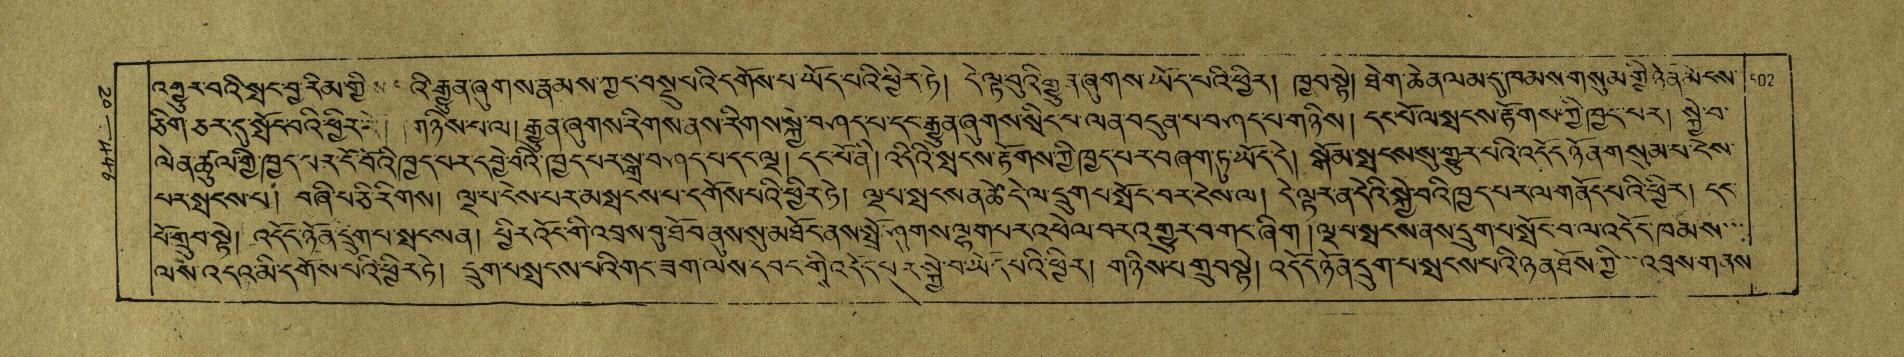འགྱུར་བའི་སྤང་བྱ་རིམ་གྱིས་པའི་རྒྱུན་ཞུགས་རྣམས་ཀྱང་བསྡུ་པའི་དགོས་པ་ཡོད་པའི་ཕྱིར་ཏེ། དེ་ལྟ་བུའི་རྒྱུན་ཞུགས་ཡོད་པའི་ཕྱིར། ཁྱབ་སྟེ། ཐེག་ཆེན་ལམ་དུ་ཁམས་གསུམ་གྱི་ཉོན་མོངས་
ཅིག་ཅར་དུ་སྤོང་བའི་ཕྱིར་རོ། །གཉིས་པ་ལ། རྒྱུན་ཞུགས་རིགས་ནས་རིགས་སྐྱེ་བཤད་པ་དང་རྒྱུན་ཞུགས་སྲིད་པ་ལན་བདུན་པ་བཤད་པ་གཉིས། དང་པོ་ལ་སྤངས་རྟོགས་ཀྱི་ཁྱད་པར། སྐྱེ་བ་
ལེན་ཚུལ་གྱི་ཁྱད་པར་ངོ་བོའི་ཁྱད་པར་དབྱེ་བའི་ཁྱད་པར་སྒྲ་བཤད་པ་དང་ལྔ། དང་པོ་ནི། འདིའི་སྤངས་རྟོགས་ཀྱི་ཁྱད་པར་བཞག་ཏུ་ཡོད་དེ། སྒོམ་སྤངས་སུ་གྱུར་པའི་འདོད་ཉོན་གསུམ་པ་ངེས་
པར་སྤངས་པ། བཞི་པ་ཅི་རིགས། ལྔ་པ་ངེས་པར་མ་སྤངས་པ་དགོས་པའི་ཕྱིར་ཏེ། ལྔ་པ་སྤངས་ན་ཚེ་དེ་ལ་དྲུག་པ་སྤོང་བར་ངེས་ལ། དེ་ལྟར་ན་དེའི་སྐྱེ་བའི་ཁྱད་པར་ལ་གནོད་པའི་ཕྱིར། དང་
པོ་གྲུབ་སྟེ། འདོད་ཉོན་དྲུག་པ་སྤངས་ན། ཕྱིར་འོང་གི་འབྲས་བུ་ཐོབ་ནུས་སུ་མཐོང་ནས་སྤྲོ་ཤུགས་ལྷག་པར་འཕེལ་བར་འགྱུར་བ་གང་ཞིག །ལྔ་པ་སྤངས་ནས་དྲུག་པ་སྤོང་བ་ལ་འདོད་ཁམས་
ལས་འདའ་མི་དགོས་པའི་ཕྱིར་ཏེ། དྲུག་པ་སྤངས་པའི་གང་ཟག་ལས་དབང་གིས་འདོད་པར་སྐྱེ་བ་ཡོད་པའི་ཕྱིར། གཉིས་པ་གྲུབ་སྟེ། འདོད་ཉོན་དྲུག་པ་སྤངས་པའི་ཉན་ཐོས་ཀྱི་འབྲས་གནས་